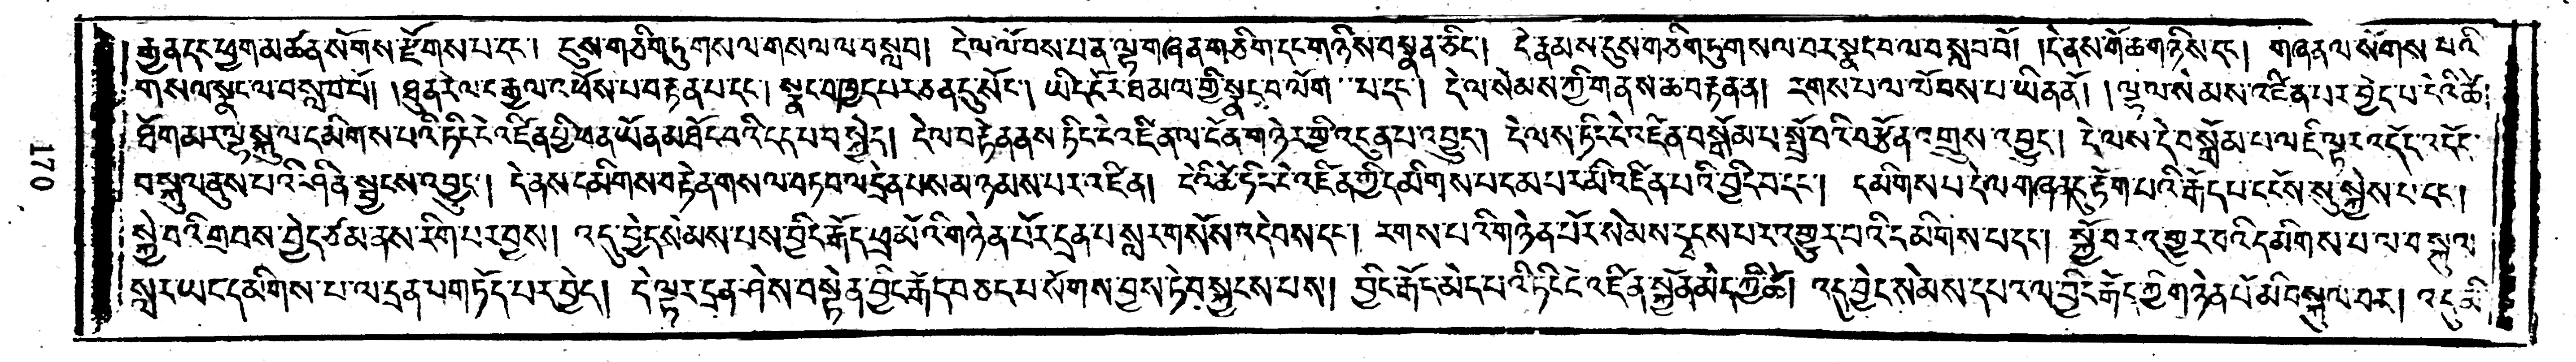རྒྱན་དང་ཕྱག་མཚན་སོགས་རྫོགས་པ་དང་། དུས་གཅིག་ཏུ་གསལ་གསལ་ལ་བསླབ། དེ་ལ་ལོ་བས་པ་ན་ལྟ་གཞན་གཅིག་དང་གཉིས་བསྣན་ཅིང་། དེ་རྣམས་དུས་གཅིག་ཏུ་གསལ་བར་སྣང་བ་ལ་བསླབ་བོ། །དེ་ནས་གོ་ཆ་གཉིས་དང་། གཞན་ལ་སོགས་པའི་
གསལ་སྣང་ལ་བསླབ་པོ། །ཐུན་རེལ་ང་རྒྱལ་འཕོས་པ་བརྟན་པ་དང་། སྣང་བ་ཁྱད་པར་ཅན་དུ་སོང་། ཡིད་ངོར་ཐ་མལ་གྱི་སྣང་བ་ལོག་པ་དང་། དེ་ལ་སེམས་ཀྱི་གནས་ཆ་བརྟན་ན། རགས་པ་ལ་ལོབས་པ་ཡིན་ནོ། །ལྷ་ལ་སེམས་འཛིན་པར་བྱེད་པ་དེའི་ཚེ།
ཐོག་མར་ལྷ་སྐུ་ལ་དམིགས་པའི་ཏིང་ངེ་འཛིན་གྱི་ཕན་ཡོན་མཐོང་བའི་དད་པ་བསྐྱེད། དེ་ལ་བརྟེན་ནས་ཏིང་ངེ་འཛིན་ལ་དོན་གཉེར་གྱི་འདུན་པ་འབྱུང་། དེ་ལས་ཏིང་ངེ་འཛིན་བསྒོམ་པ་སྤྲོ་བའི་བརྩོན་འགྲུས་འབྱུང་། དེ་ལས་དེ་བསྒོམ་པ་ལ་ཇི་ལྟར་འདོད་འདོད་
བསྐུལ་ནུས་པའི་ཤིན་སྦྱངས་འབྱུང་། དེ་ནས་དམིགས་བརྟེན་གསལ་བཏབ་ལ་དྲེན་པས་མ་ཉམས་པར་འཛིན། དེའི་ཚེ་ཏིང་ངེ་འཛིན་གྱི་དམིགས་པ་དམ་པར་མི་འཛིན་པའི་བྱིད་བ་དང་། དམིགས་པ་དེ་ལ་གཞན་དུ་རྟོག་པའི་རྒོད་པ་དངོས་སུ་སྐྱེས་པ་དང་།
སྐྱེ་བའི་གྲབས་བྱེད་ཙམ་ནས་རིག་པར་བྱས། འདུ་བྱེད་སེམས་པས་བྱིང་རྒོད་ཕྲ་མོའི་གཉེན་པོར་དྲན་པ་སླར་གསོས་འདེབས་དང་། རགས་པའི་གཉེན་པོར་སེམས་དྭངས་པར་འགྱུར་པའི་དམིགས་པ་དང་། སྐྱོ་བར་འགྱུར་བའི་དམིགས་པ་ལ་བསྐུལ་
སླར་ཡང་དམིགས་པ་ལ་དྲན་པ་གཏོད་པར་བྱེད། དེ་ལྟར་དྲན་ཤེས་བསྟེན་བྱིང་རྒོད་བཅད་པ་སོགས་བྱས་ཏེ་བསྐྱངས་པས། བྱིང་རྒོད་མེད་པའི་ཏིང་ངེ་འཛིན་སྐྱོན་མེད་ཀྱི་ཚེ། འདུ་བྱེད་སེམས་དཔའ་ལ་བྱིང་རྒོད་ཀྱི་གཉེན་པོ་མི་བསྐུལ་བར། འདུ་མི་